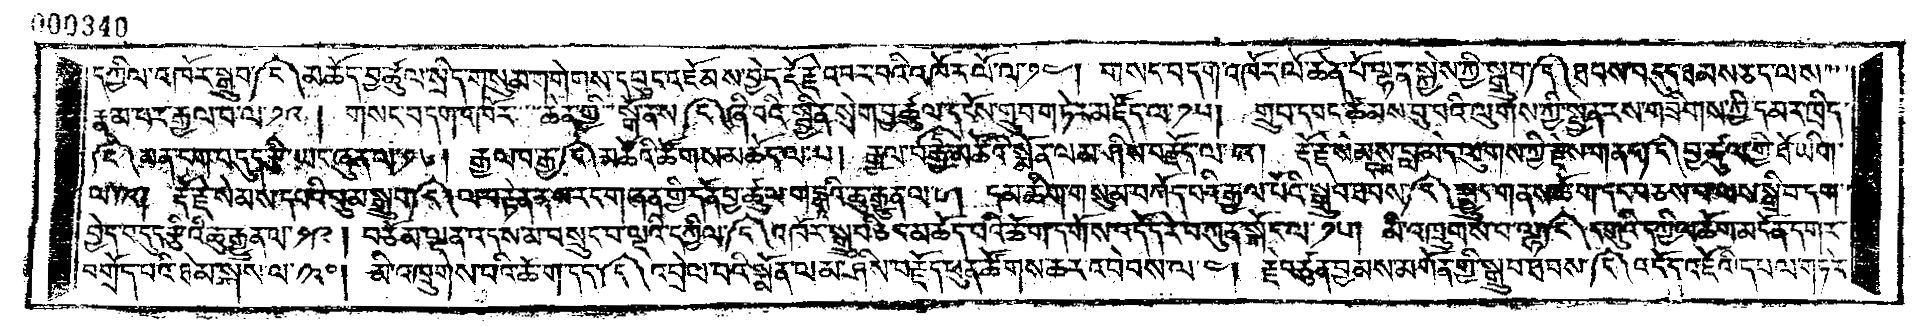དཀྱིལ་འཁོར་སྒྲུབ ༼ང༽ མཆོད་བྱ་ཚུལ་སྲིད་གསུམ་བགེགས་དཔུང་འཇོམས་བྱེད་རྡོ་རྗེ་འབར་བའི་འཁོར་ལོ་ལ ༡༤། གསང་བདག་འཁོར་ལོ་ཆེན་པོ་ལྷན་སྐྱེས་ཀྱི་སྒྲུབ ༼ད༽ ཐབས་བདུད་ཐམས་ཅད་ལས་
རྣམ་པར་རྒྱལ་བ་ལ ༡༢། གསང་བདག་འཁོར་ཆེན་གྱི་སྒོ་ནས ༼ང༽ ཞི་བའི་སྦྱིན་སྲེག་བྱ་ཚུལ་དངོས་གྲུབ་གཏེར་མཛོད་ལ ༡༥། གྲུབ་དབང་ཚེམས་བུ་པའི་ལུགས་ཀྱི་སྤྱན་རས་གཟིགས་ཀྱི་དམར་ཁྲིད་
༼ང༽ མན་ངག་བདུད་རྩི་ཡང་ཞུན་ལ ༡༦། རྒྱལ་བ་རྒྱ ༼ང༽ མཚོའི་ཚོགས་མཆོད་ལ ༥། རྒྱལ་བ་རྒྱ་མཚོའི་སྨོན་ལམ་ཤིས་བརྗོད་ལ ༣། རྡོ་རྗེ་སེམས་དཔའ་བླ་མེད་ལུགས་ཀྱི་རྗེས་གནང ༼ང༽ བྱ་ཚུལ་གྱི་ཐོ་ཡིག་
ལ ༣། རྡོ་རྗེ་སེམས་དཔའ་བུམ་སྒྲུབ ༼ང༽ ལ་བརྟེན་ནས་རང་གཞན་གྱི་དོན་བྱ་ཚུལ་གངྒའི་ཆུ་རྒྱུན་ལ ༦། དམ་ཚིག་གསུམ་བཀོད་པའི་རྒྱལ་པོའི་སྒྲུབ་ཐབས ༼ང༽ སྨྱུང་གནས་ཆོ་ག་དང་བཅས་པ་ལས་སྒྲིབ་དག་
བྱེད་བདུད་རྩིའི་ཆུ་རྒྱུན་ལ ༩༩། བཅོམ་ལྡན་འདས་མ་བསྲུང་བ་ལྔའི་དཀྱིལ ༼ང༽ འཁོར་སྒྲུབ་ཅིང་མཆོད་པའི་ཆོ་ག་དགོས་འདོད་རེ་བ་ཀུན་སྐོང་ལ ༡༥། མི་འཁྲུགས་པ་ལྷ ༼ང༽ དགུའི་དཀྱིལ་ཆོག་མངོན་དགར་
བགྲོད་པའི་ཐེམ་སྐས་ལ ༣༠། མི་འཁྲུགས་པའི་ཆོ་ག་དང ༼ང༽ འབྲེལ་བའི་སྨོན་ལམ་ཤིས་བརྗོད་ཕུན་ཚོགས་ཆར་འབེབས་ལ ༤། རྗེ་བཙུན་བྱམས་མགོན་གྱི་སྒྲུབ་ཐབས ༼ང༽ འདོད་འཇོའི་དཔལ་གཏེར་